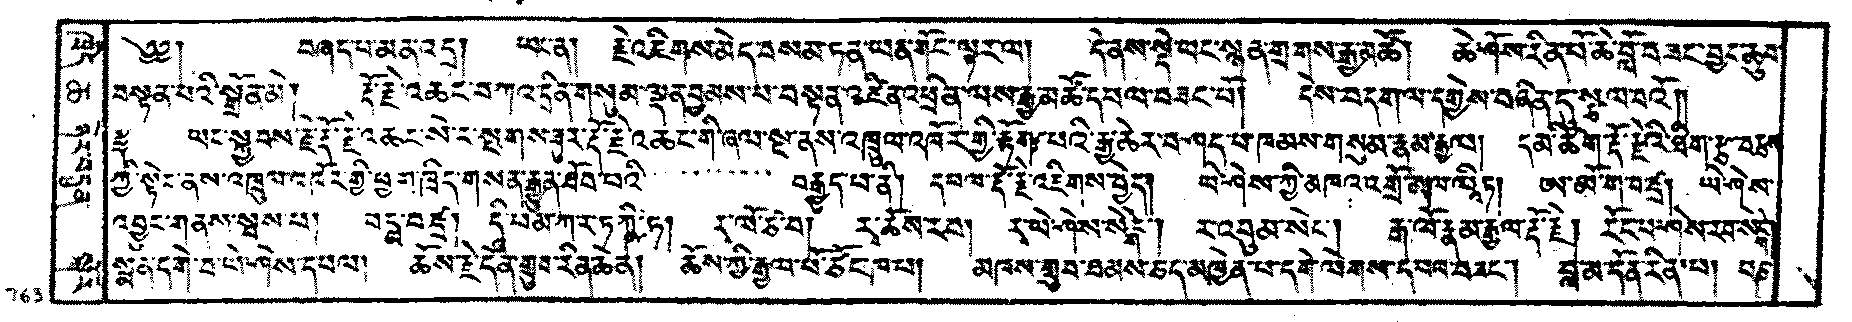༄༅། །བཞད་པ་མན་འདྲ། ཡང་ན། རྗེ་འཇིགས་མེད་བསམ་ཏན་ཡན་གོང་ལྟར་ལ། དེ་ནས་སྡེ་ཡང་སྙན་གྲགས་རྒྱ་མཚོ། ཆེ་ཤོས་རིན་པོ་ཆེ་བློ་བཟང་བྱང་ཆུབ་
བསྟན་པའི་སྒྲོན་མེ། རྡོ་རྗེ་འཆང་བཀའ་དྲིན་གསུམ་ལྡན་བྱམས་པ་བསྟན་འཛིན་འཕྲིན་ལས་རྒྱ་མཚོ་དཔལ་བཟང་པོ། དེས་བདག་ལ་དགྱེས་བཞིན་དུ་སྩལ་བའོ།།
༈ ཡང་སྐྱབས་རྗེ་རྡོ་རྗེ་འཆང་སེ་ར་སྔགས་ཟུར་རྡོ་རྗེ་འཆང་གི་ཞལ་སྔ་ནས་འཁྲུལ་འཁོར་གྱི་རྟོག་པའི་རྒྱ་ཆེར་བཤད་པ་ཁམས་གསུམ་རྣམ་རྒྱལ། དམ་ཚིག་རྡོ་རྗེའི་ཐིག་རྩ་བཅས་
ཀྱི་སྟེང་ནས་འཁྲུལ་འཁོར་གྱི་ཕྱག་ཁྲིད་གསན་རྒྱུན་ཐོབ་པའི་བརྒྱུད་པ་ནི། དཔལ་རྡོ་རྗེ་འཇིགས་བྱེད། ཡེ་ཤེས་ཀྱི་མཁའ་འགྲོ་མ་ལ་ལཱིཏ། ཨ་མོ་ག་བཛྲ། ཡེ་ཤེས་
འབྱུང་གནས་སྦས་པ། པདམ་བཛྲ། དཱི་པམ་ཀ་ར་ཏཀྵི་ཏ། རྭ་ལོ་ཙ་བ། རྭ་ཆོས་རབ། རྭ་ཡེ་ཤེས་སེངྒེ། ར་འབུམ་སེང་། རྒ་ལོ་རྣམ་རྒྱལ་རྡོ་རྗེ། རོང་པ་ཤེས་རབ་སེངྒེ་
སྨན་དགེ་བ་ཡེ་ཤེས་དཔལ། ཆོས་རྗེ་དོན་གྲུབ་རིན་ཆེན། ཆོས་ཀྱི་རྒྱལ་པོ་ཙོང་ཁ་པ། མཁས་གྲུབ་ཐམས་ཅད་མཁྱེན་པ་དགེ་ལེགས་དཔལ་བཟང་། བླ་མ་དོན་རིན་པ། པཎ་